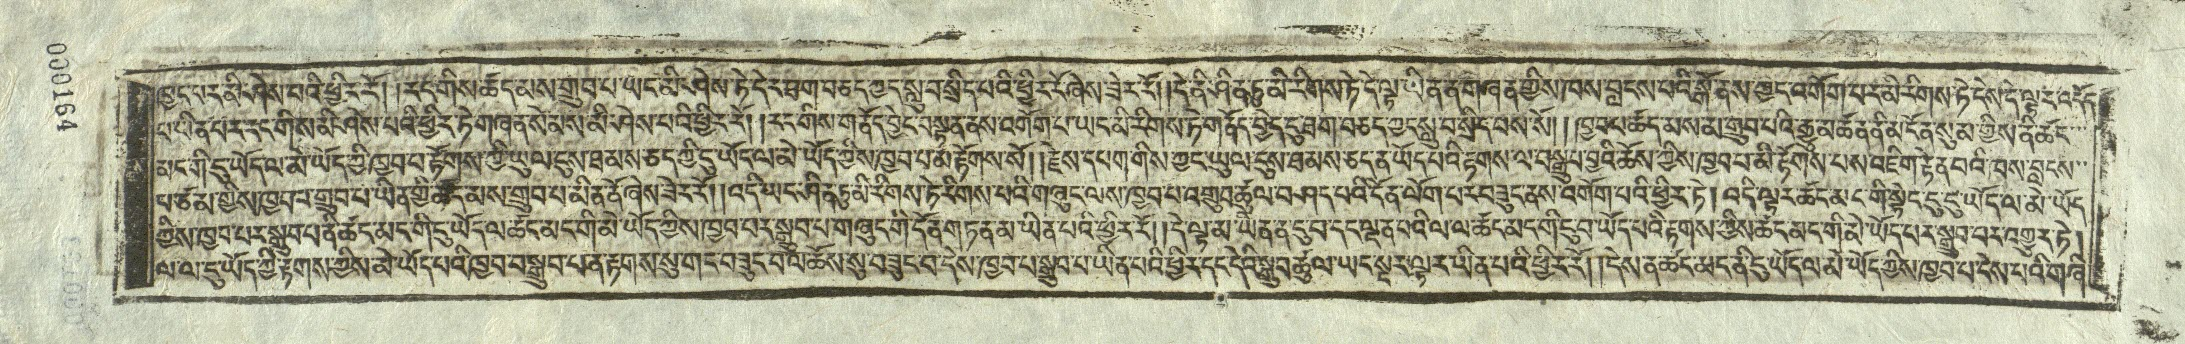ཁྱད་པར་མི་ཤེས་པའི་ཕྱིར་རོ། །རང་གིས་ཚད་མས་གྲུབ་པ་ཡང་མི་ཤེས་ཏེ་དེར་ཐག་བཅད་ཀྱང་སླུ་བ་སྲིད་པའི་ཕྱིར་རོ་ཞེས་ཟེར་རོ། །དེ་ནི་ཤིན་ཏུ་མི་རིགས་ཏེ་དེ་ལྟ་ཡིན་ན་གཞན་གྱིས་ཁས་བླངས་པའི་སྒོ་ནས་ཀྱང་འགོག་པར་མི་རིགས་ཏེ་དེས་དེ་ལྟར་འདོད་
པ་ཡིན་པར་རང་གིས་མི་ཤེས་པའི་ཕྱིར་ཏེ་གཞན་སེམས་མི་ཤེས་པའི་ཕྱིར་རོ། །རང་གིས་གནོད་བྱེད་བསྟན་ནས་འགོག་པ་ཡང་མི་རིགས་ཏེ་གནོད་བྱེད་དུ་ཐག་བཅད་ཀྱང་སླུ་བ་སྲིད་པས་སོ། །ཁྱད་པ་ཚད་མས་མ་གྲུབ་པའི་རྒྱུ་མཚན་ནི་མངོན་སུམ་གྱིས་ནི་ཚད་
མད་གི་དུ་ཡོད་ལ་མེ་ཡོད་ཀྱི་ཁྱབ་པ་རྟོགས་ཀྱི་ཡུལ་དུས་ཐམས་ཅད་ཀྱི་དུ་ཡོད་ལ་མེ་ཡོད་ཀྱིས་ཁྱབ་པ་མ་རྟོགས་སོ། །རྗེས་དཔག་གིས་ཀྱང་ཡུལ་དུས་ཐམས་ཅད་ན་ཡོད་པའི་རྟགས་ལ་བསྒྲུབ་བྱའི་ཆོས་ཀྱིས་ཁྱབ་པ་མི་རྟོགས་པས་འཇིག་རྟེན་པའི་ཁས་བླངས་
པ་ཙམ་གྱིས་ཁྱབ་པ་གྲུབ་པ་ཡིན་གྱི་ཚད་མས་གྲུབ་པ་མིན་ནོ་ཞེས་ཟེར་རོ། །འདི་ཡང་ཤིན་ཏུ་མི་རིགས་ཏེ་རིགས་པའི་གཞུང་ལས་ཁྱབ་པ་འགྲུབ་ཚུལ་བཤད་པའི་དོན་ལོག་པར་བཟུང་ནས་འགོག་པའི་ཕྱིར་ཏེ། འདི་ལྟར་ཚད་མད་གི་སྟེང་དུ་དུ་ཡོད་ལ་མེ་ཡོད་
ཀྱིས་ཁྱབ་པར་སྒྲུབ་པ་ནི་ཚད་མད་གི་དུ་ཡོད་ལ་ཚད་མད་གི་མེ་ཡོད་ཀྱིས་ཁྱབ་པར་སྒྲུབ་པ་གཞུང་གི་དོན་གཏན་མ་ཡིན་པའི་ཕྱིར་རོ། །དེ་ལྟ་མ་ཡིན་ན་དུ་བ་དང་ལྡན་པའི་ལ་ལ་ཚང་མང་གི་དུ་བ་ཡོད་པའི་རྟགས་ཀྱིས་ཚད་མད་གི་མེ་ཡོད་པར་སྒྲུབ་པར་འགྱུར་ཏེ།
ལ་ལ་དུ་ཡོད་ཀྱི་རྟགས་ཀྱིས་མེ་ཡོད་པའི་ཁྱབ་པ་སྒྲུབ་པ་ན་རྟགས་སུ་གང་བཟུང་བ་ལ་ཆོས་སུ་བཟུང་བ་དེས་ཁྱབ་པ་སྒྲུབ་པ་ཡིན་པའི་ཕྱིར་དང་དེའི་སྒྲུབ་ཚུལ་ཡང་སྔར་ལྟར་ཡིན་པའི་ཕྱིར་རོ། །དེས་ན་ཚད་མད་ནི་དུ་ཡོད་ལ་མེ་ཡོད་ཀྱིས་ཁྱབ་པ་ངེས་པའི་གཞི་